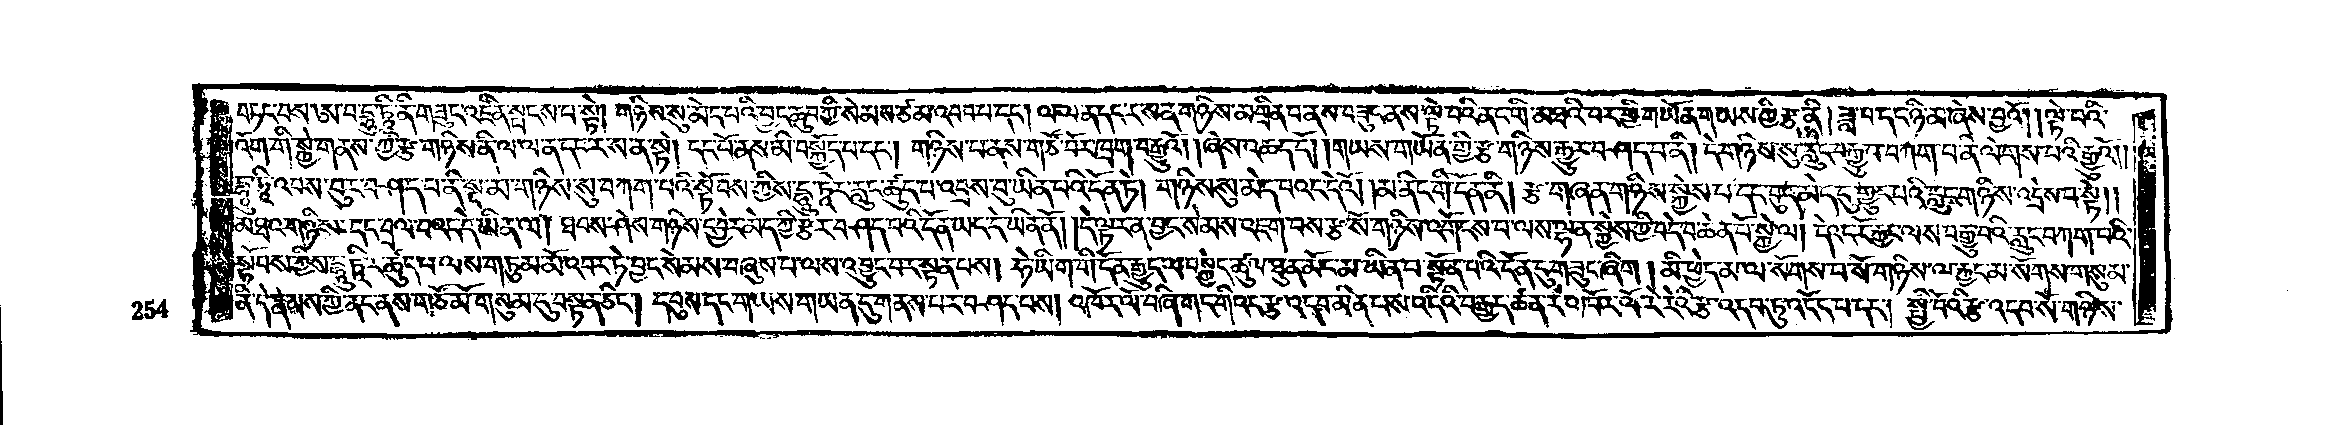བཏང་པས་ཨ་བ་དྷཱུ་ཏཱི་ནི་གཟུང་འཛིན་སྤངས་པ་སྟེ། གཉིས་སུ་མེད་པའི་བྱང་ཆུབ་ཀྱི་སེམས་ཙམ་འབབ་པ་དང་། ལ་ལ་ན་དང་ར་ས་ན་གཉིས་མགྲིན་པ་ནས་བཟུང་ནས་ལྟེ་བའི་ནང་གི་མཐའི་བར་གྱི་གཡོན་གཡས་ཀྱི་རྩ་ནི། ཟླ་བ་དང་ཉི་མ་ཞེས་བྱའོ། །ལྟེ་བའི་
འོག་གི་སྐྱེ་གནས་ཀྱི་རྩ་གཉིས་ནི་ལ་ལན་དང་ར་ས་ན་སྟེ། དང་པོ་ནས་མི་བསྐྱོད་པ་དང་། གཉིས་པ་ནས་གཙོ་བོར་ཁྲག་བརྒྱུའོ། །ཞེས་འཆད་དོ། །གཡས་གཡོན་གྱི་རྩ་གཉིས་རྒྱུར་བཤད་པ་ནི། དེ་གཉིས་སུ་རླུང་བརྒྱུ་བ་བཀག་པ་ནི་ལེགས་པའི་རྒྱུའོ། །
དྷཱུ་ཏཱི་འབས་བུར་བཤད་པ་ནི་སྔ་མ་གཉིས་སུ་བཀག་པའི་སྟོབས་ཀྱིས་དྷཱུ་ཏཱིར་རླུང་ཚུད་པ་འབྲས་བུ་ཡིན་པའི་དོན་ཏེ། གཉིས་སུ་མེད་པའང་དེའོ། །མ་ནིང་གི་དོན་ནི། རྩ་གཞན་གཉིས་སྐྱེས་པ་དང་བུད་མེད་དུ་གྱུར་པའི་རླུང་གཉིས་འདྲེས་པ་སྟེ། །
མཐའ་གཉིས་དང་བྲལ་བའང་དེ་ཡིན་ལ། ཐབས་ཤེས་གཉིས་དབྱེར་མེད་ཀྱི་རྩར་བཤད་པའི་དོན་ཡང་དེ་ཡིན་ནོ། །དེ་ལྟར་ན་བྱང་སེམས་འཇག་པས་རྩ་སོ་གཉིས་འགོངས་པ་ལས་ལྷན་སྐྱེས་ཀྱི་བདེ་བ་ཆེན་པོ་སྐྱེ་ལ། དེའང་རོ་རྐྱང་ལས་བརྒྱུ་བའི་རླུང་བཀག་པའི་
སྟོབས་ཀྱིས་དྷཱུ་ཏཱིར་ཚུད་པ་ལས་གཏུམ་མོ་འབར་ཏེ་བྱང་སེམས་བཞུས་པ་ལས་འབྱུང་བར་སྟན་པས། ཧེ་ཡིག་གི་དོན་རྒྱུད་ལ་བསྐྱེད་ཚུལ་ཐུན་མོང་མ་ཡིན་པ་སྟོན་པའི་དོན་དུ་གཟུང་ཞིག །མི་ཕྱེད་མ་ལ་སོགས་པ་སོ་གཉིས་ལ་རྐྱང་མ་སོགས་གསུམ་
ནི་དེ་རྣམས་ཀྱི་ནང་ནས་གཙོ་མོ་གསུམ་དུ་བསྟན་ཅིང་། དབུས་དང་གཡས་གཡོན་དུ་གནས་པར་བཤད་པས། འཁོར་ལོ་བཞི་གང་གི་འང་རྩ་འདབ་མིན་པས་འདིའི་བརྒྱད་ཚན་རེ་འཁོར་ལོ་རེ་རེའི་རྩ་འདབ་ཏུ་འདོད་པ་དང་། སྤྱི་བོའི་རྩ་འདབ་སོ་གཉིས་